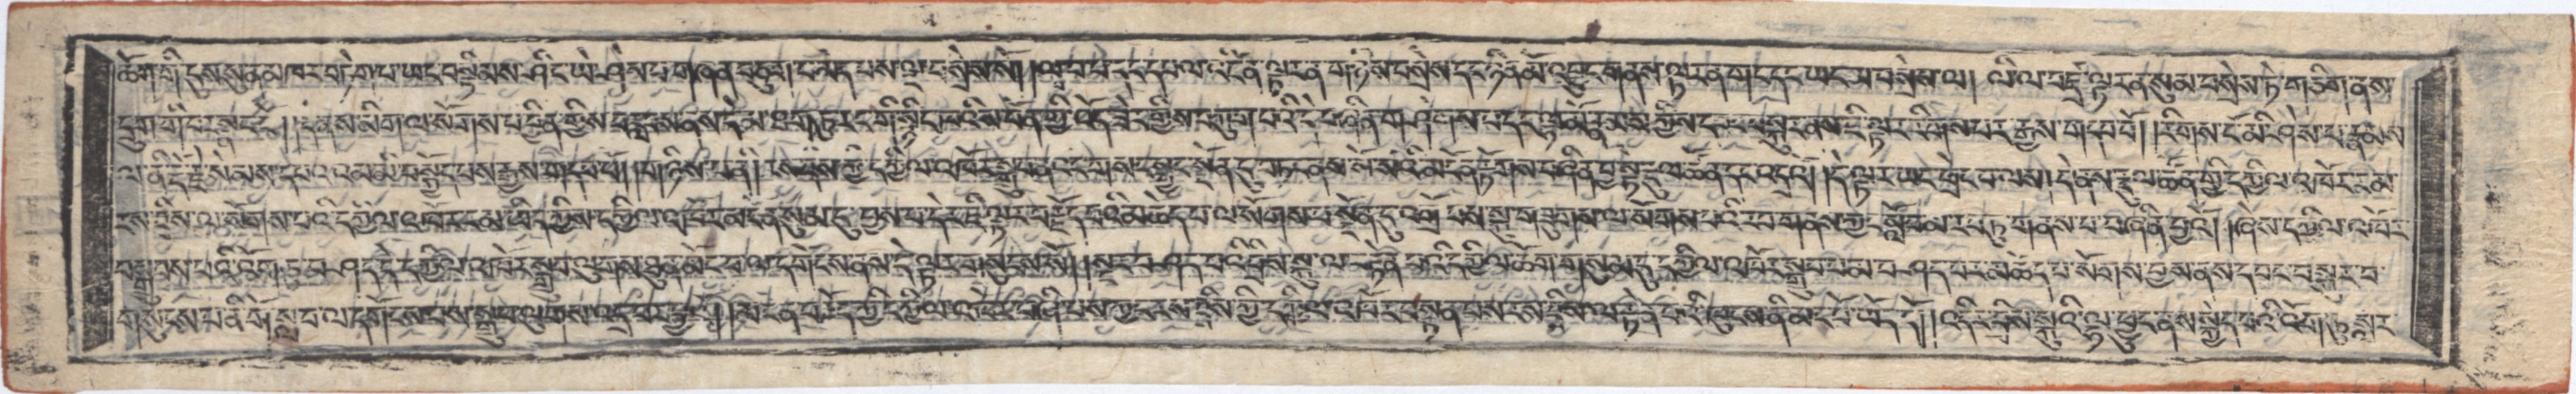ཆོག་གི་དུས་སུ་ནམ་མཁར་བཏེག་པ་ཡང་བསྟིམས་ཤིང་ཡེ་ཤེས་པ་གཞན་བཅུག་པ་མེད་པས་ལྔ་བསྲེས་སོ། །ལྭ་བ་པ་དང་དཔལ་འཛིན་ལྟར་ན་གཉིས་བསྲེས་དང་ཉིན་མོ་འབྱུང་གནས་ལྟར་ན་གང་དང་ཡང་མ་བསྲེས་ལ། ལི་ལ་བཛྲ་ལྟར་ན་སུམ་བསྲེས་ཏེ་གཅིག་ནས་
དྲུག་གི་བར་སྣང་ངོ། །དེ་ནས་མིག་ལ་སོགས་པ་བྱིན་གྱིས་བརླབས་ནས་དེ་མ་ཐག་ཏུ་རང་གི་སྙིང་ཁའི་ས་བོན་གྱི་འོད་ཟེར་གྱིས་བཀུག་པའི་དེ་བཞིན་གཤེགས་པ་དང་ལྷ་མོ་རྣམས་ཀྱིས་དབང་བསྐུར་ནས་ཇི་ལྟར་རིགས་པར་རྒྱས་གདབ་བོ། །རིགས་ངོ་མི་ཤེས་པ་རྣམས་
ལ་ནི་རྡོ་རྗེ་སེམས་དཔའ་འམ་མི་བསྐྱོད་པས་རྒྱས་གདབ་པོ། །གཉིས་པ་ནི། རས་བྲིས་ཀྱི་དཀྱིལ་འཁོར་སྒྲུབ་ནའང་གསང་སྦྱང་སྔོན་དུ་བཏང་ནས་སོ་སོའི་མངོན་རྟོགས་བཞིན་བྱ་སྟེ་རྡུལ་ཚོན་དང་འདྲའོ། །དེ་ལྟར་ཡང་ཕྲེང་བ་ལས། དེ་ནས་རྡུལ་ཚོན་གྱི་དཀྱིལ་འཁོར་རམ་
རས་བྲིས་ལ་སོགས་པའི་དཀྱིལ་འཁོར་རམ་ཡིད་ཀྱིས་དཀྱིལ་འཁོར་མངོན་སུམ་དུ་བྱས་པ་དེར་ཇི་ལྟར་བརྗོད་པའི་མཆོད་པ་ལ་སོགས་པ་སྔོན་དུ་འགྲོ་བས་སྐུ་གཟུགས་ལ་སོགས་པའི་རབ་གནས་ཀྱང་སློབ་མ་རབ་ཏུ་གནས་པ་བཞིན་བྱའོ། །ཞེས་དཀྱིལ་འཁོར་
བསྒྲུབས་པའི་འོག་ཏུ་བཤད་དེ་དཀྱིལ་འཁོར་སྒྲུབ་ལུགས་ཐུན་མོང་བ་ལ་དགོངས་ནས་དེ་ལྟར་གསུངས་སོ། །སྔར་བཤད་པའི་བྲིས་སྐུ་ལ་བརྟེན་པའི་དཀྱིལ་ཆོག་གསུམ་དུ་དཀྱིལ་འཁོར་སྒྲུབ་པ་མ་བཤད་པར་མཆོད་པ་སོགས་བྱས་ནས་དབང་བསྐུར་བ་
གསུངས་པ་ནི་གོ་སླ་བ་ལ་དགོངས་པས་སྒྲུབ་ལུགས་འདྲ་བར་བྱའོ། །མངོན་བརྗོད་ཀྱི་དཀྱིལ་འཁོར་བཞི་པས་ཀྱང་རས་བྲིས་ཀྱི་དཀྱིལ་འཁོར་བསྟན་པས་རས་བྲིས་ལ་རྟེན་པའི་ཁུངས་ནི་མང་པོ་ཡོད་དོ། །འདིར་བྲིས་སྐུའི་ལྷ་ཕྱུང་ནས་སྐྱེད་པའི་འོག་ཏུ་སླར་